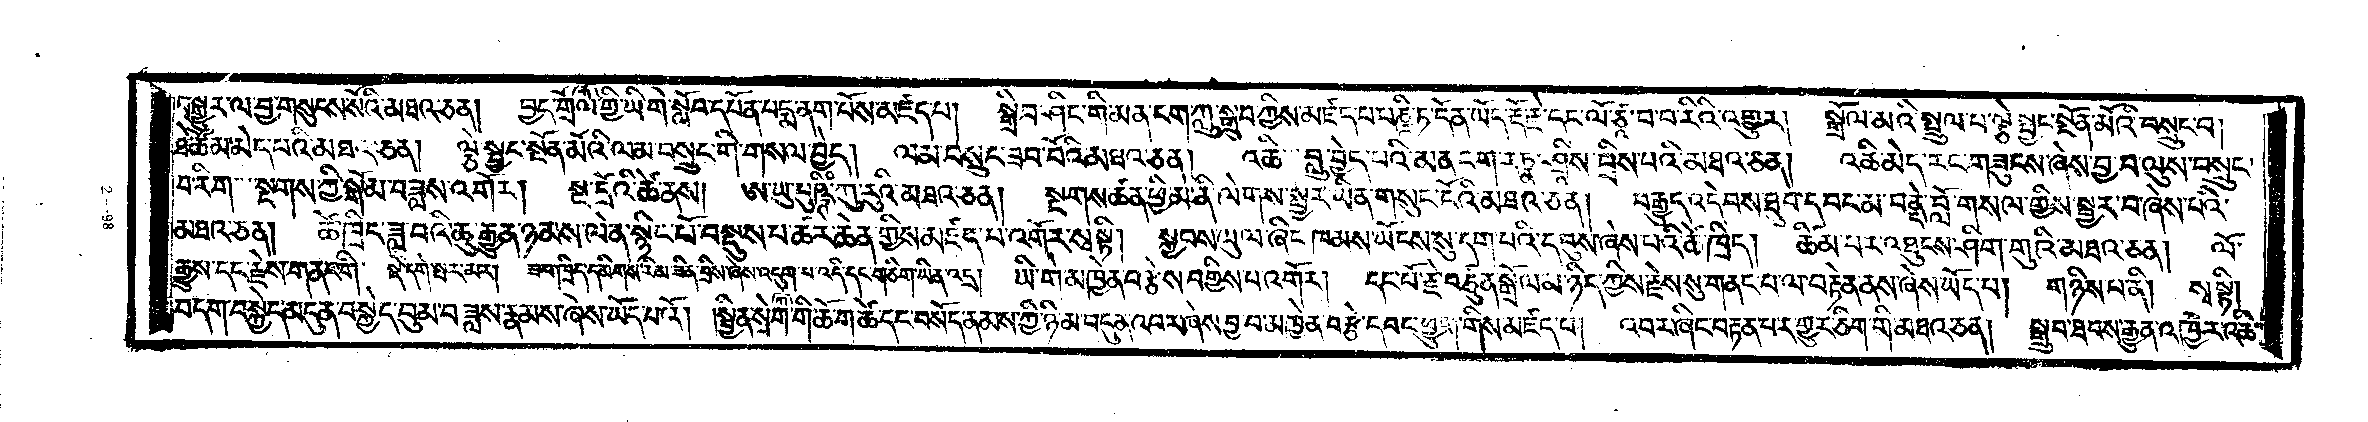བསྒྱུར་ལ་བྱ་གསུངས་སོའི་མཐའ་ཅན། བྱང་གྲོལ་གྱི་ཡི་གེ་སློབ་དཔོན་པདམ་ནག་པོས་མཛད་པ། སྒྲིབ་ཤིང་གི་མན་ངག་ཀླུ་སྒྲུབ་ཀྱིས་མཛད་པ་པཎྜི་ཏ་དོན་ཡོད་རྡོ་རྗེ་དང་ལོ་ཙཱ་བ་བ་རིའི་འགྱུར། སྒྲོལ་མའི་སྤྲུལ་པ་ལྕེ་སྦྱང་སྔོན་མོའི་བསྲུང་བ།
ཐེ་ཚོམ་མེད་པའི་མཐའ་ཅན། ལྕེ་སྦྱང་སྔོན་མོའི་ལམ་བསྲུང་གི་གསལ་བྱེད། ལམ་བསྲུང་ཟབ་བོའི་མཐའ་ཅན། འཆི་བླུ་བྱེད་པའི་མན་ངག་རཏྣ་ཤྲཱིས་བྲིས་པའི་མཐའ་ཅན། འཆི་མེད་རང་གཟུངས་ཞེས་བྱ་བ་ལུས་བསྲུང་
བ་རིག་སྔགས་ཀྱི་སྒོམ་བཟླས་འགོར། སྔ་དྲོའི་ཚེ་ནས། ཨ་ཡུ་པུཥྚིཾ་ཀུ་རུའི་མཐའ་ཅན། སྔགས་ཚན་ཕྱི་མ་ནི་ལེགས་སྤྱར་ཡིན་གསུང་ངོའི་མཐའ་ཅན། བརྒྱུད་འདེབས་ཐུབ་དབང་མ་པནྡེ་བློ་གསལ་གྱིས་སྦྱར་བ་ཞེས་པའི་
མཐའ་ཅན། ཚེ་ཁྲིད་སྡེ་དགེ་སྤར་མར། ཟབ་ཁྲིད་དམིགས་རིམ་ཟིན་བྲིས་ཞེས་འདུག་པ་འདི་དང་གཅིག་ཡིན་འདྲ།  ཟླ་བའི་ཆུ་རྒྱུན་ཉམས་ལེན་སྙིང་པོ་བསྡུས་པ་ཚར་ཆེན་གྱིས་མཛད་པ་འགྲོ་སྭསྟི། སྐྱབས་ཡུལ་ཞིང་ཁམས་ཡོངས་སུ་དག་པའི་དབུས་ཞེས་པའི་ཚེ་ཁྲིད། ཚིམ་པར་འཐུངས་ཤིག་གུའི་མཐའ་ཅན། ལོ་
རྒྱུས་དང་རྗེས་གནང་གི་ཡི་གེ་མཁྱེན་བརྩེས་བགྱིས་པ་འགོར། དང་པོ་རྗེ་བཙུན་སྒྲོལ་མ་ཉིད་ཀྱིས་རྗེས་སུ་གནང་པ་ལ་བརྟེན་ནས་ཞེས་ཡོད་པ། གཉིས་པ་ནི། སྭསྟི།
བདག་བསྐྱེད་མདུན་བསྐྱེད་བུམ་བཟླས་རྣམས་ཞེས་ཡོད་པའོ། །སྦྱིན་སྲེག་གི་ཆོ་ག་ཚེ་དང་བསོད་ནམས་ཀྱི་ཉི་མ་བདུན་འབར་ཞེས་བྱ་བ་མཁྱེན་བརྩེ་དབང་ཕྱུག་གིས་མཛད་པ། འབར་ཞིང་བརྟན་པར་གྱུར་ཅིག་གི་མཐའ་ཅན། སྒྲུབ་ཐབས་རྒྱུན་འཁྱེར་འཆི་